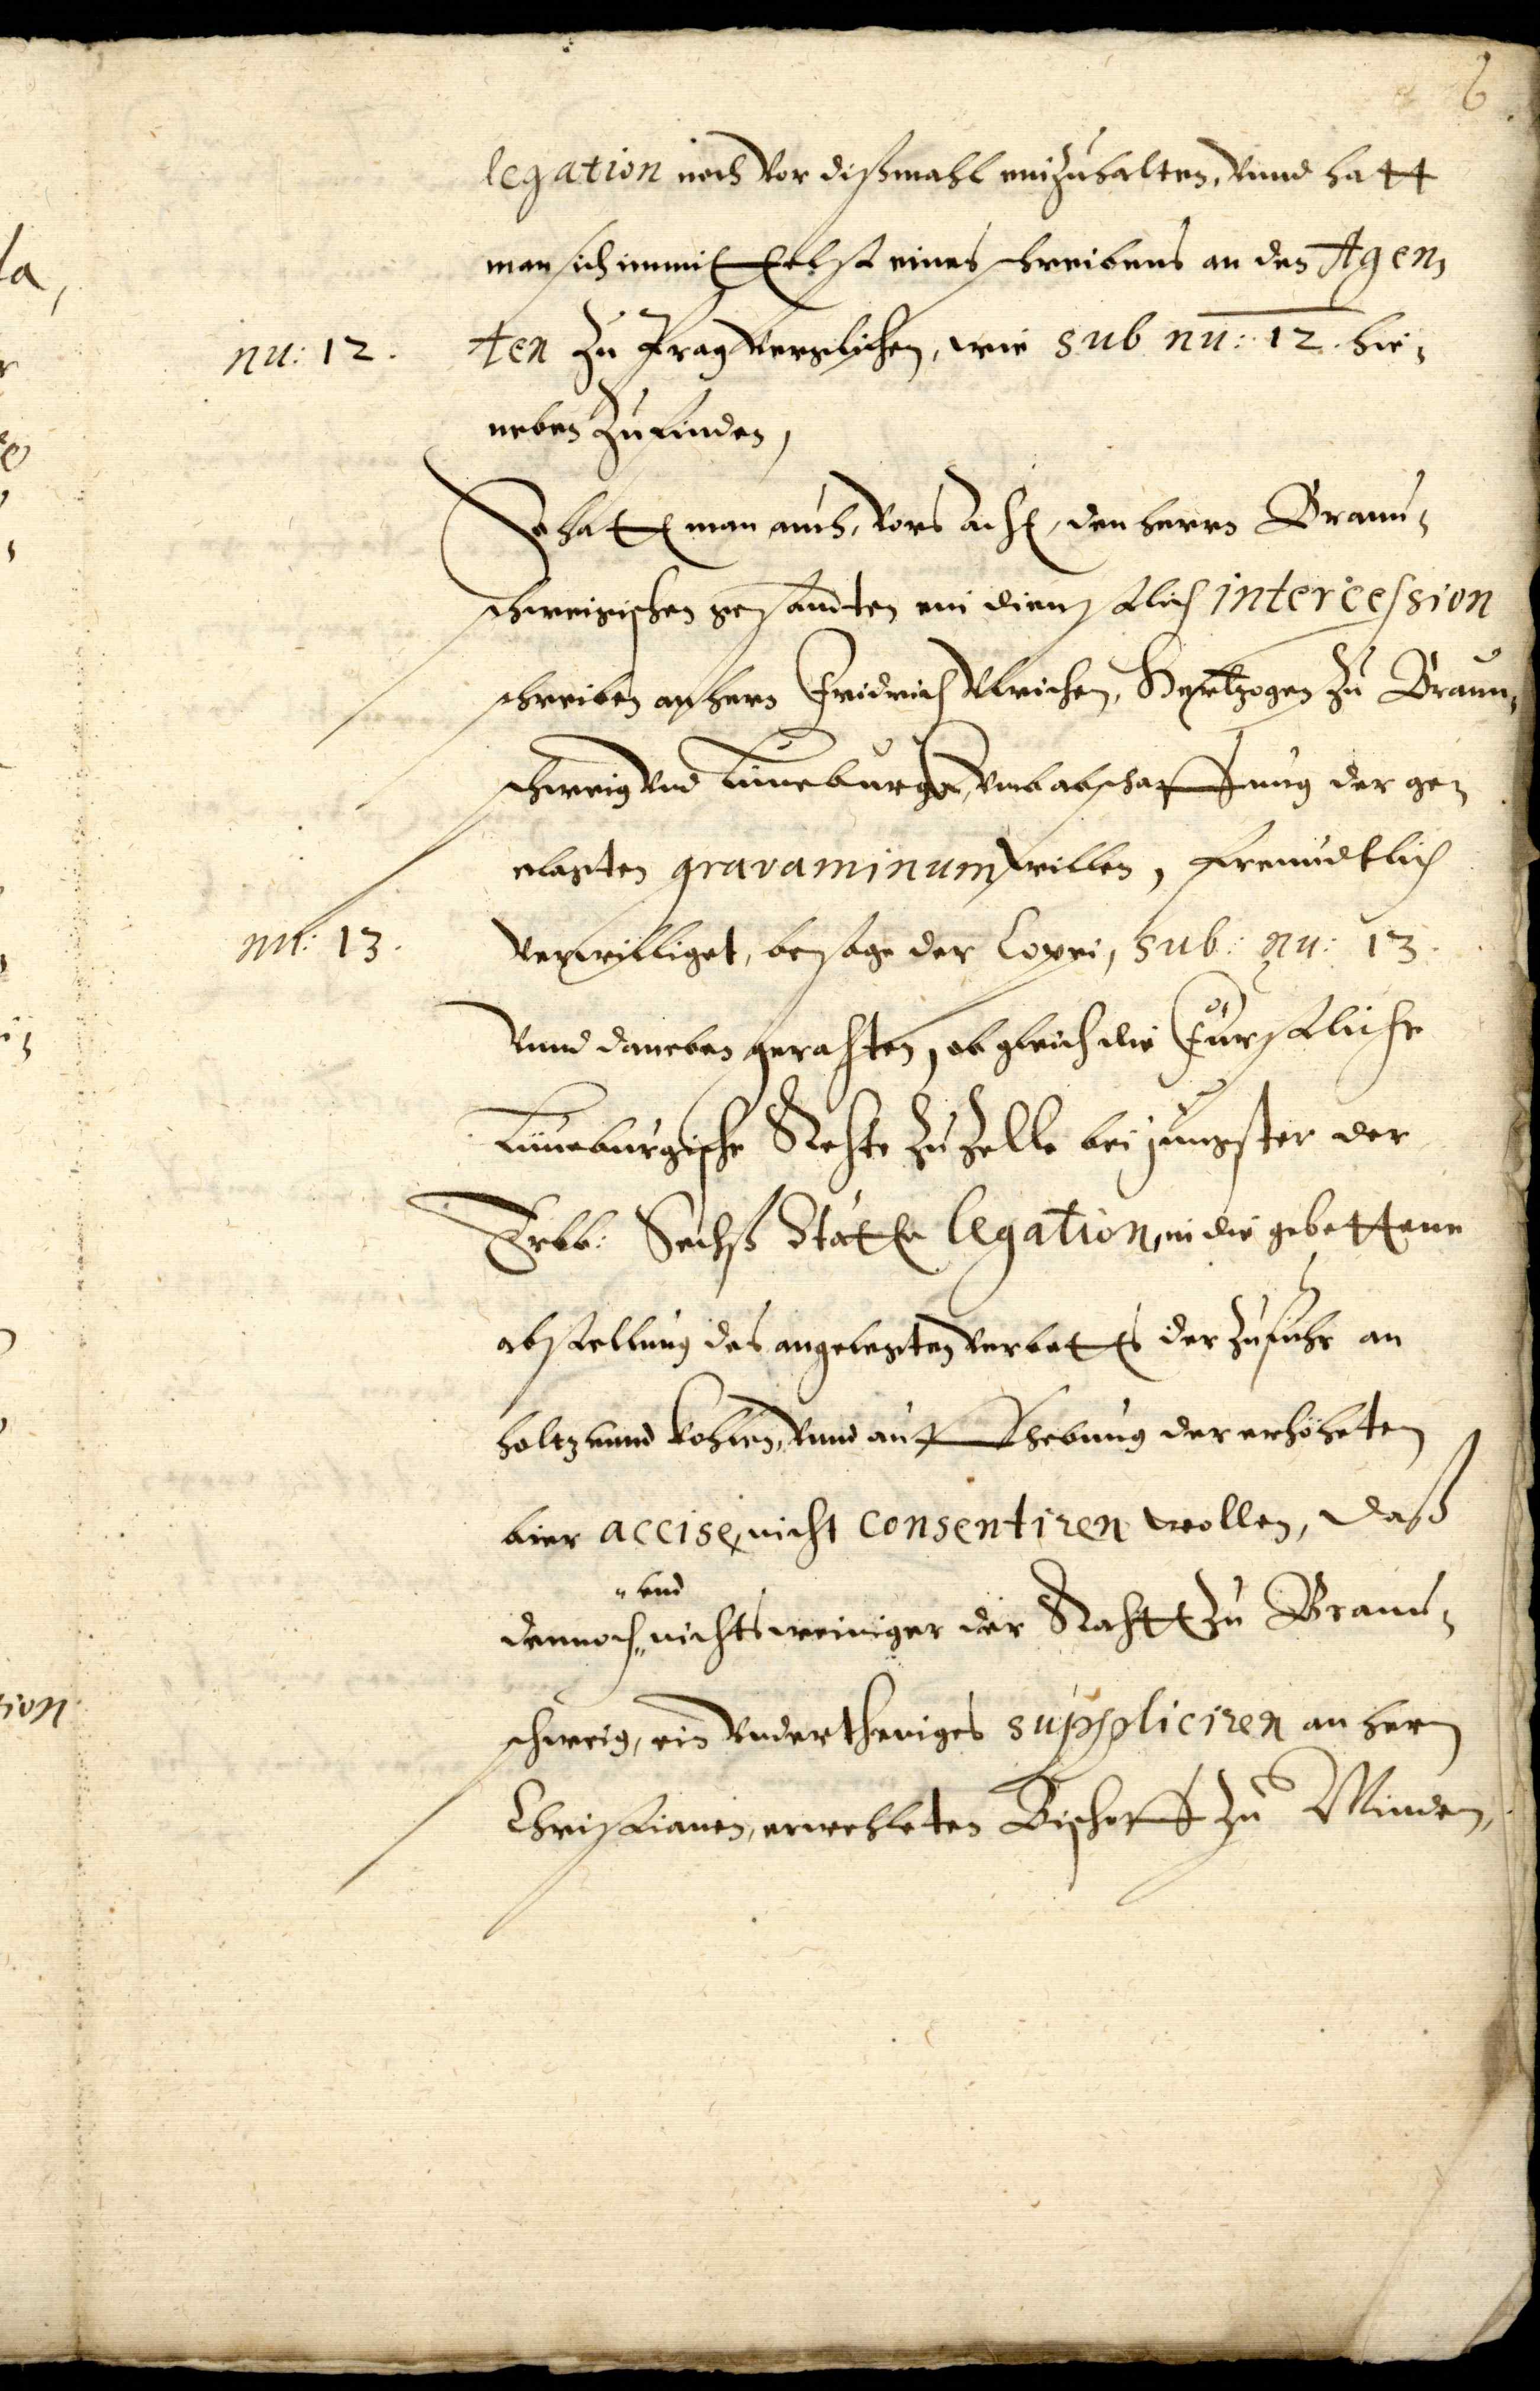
6.
legation noch vor dißmahl mitzuhalten, vnnd hatt
man sich innmittelst eines schreibens an den Agen¬
ten zu Prag verglichen, wie sub nu: 12 hie¬
neben zu finden,
So hatt man auch, vors Acht, den herrn Braun¬
schweigischen gesandten ein dienstlich intercession
schreiben an herrn Fridrich Vlrichen, Hertzogen zu Braun¬
schweig vnd Lüneburgk, vmb abschaffung der ge¬
clagten gravaminum willen, freundtlich
verwilliget, besage der Copei, sub: nu 13
vnnd daneben gerahten, ob gleich die Fürstliche
Lüneburgische Rehte zu Zelle bei jungster der
Erbb: Sechß Stätte legation, in die gebottene
abstellung des angelegten verbotts der zuführ an
holtz vnnd kohlen, vnnd auffhebung der erhöheten
bier accise, nicht consentiren wollen, daß
dennoch vnd nichts weiniger der Rahtt zu Braun¬
schweig, ein vndertheniges suppliciren an hern
Christianen, erwehleten Bischoff zu Minden,
nu: 12.
nu: 13.
